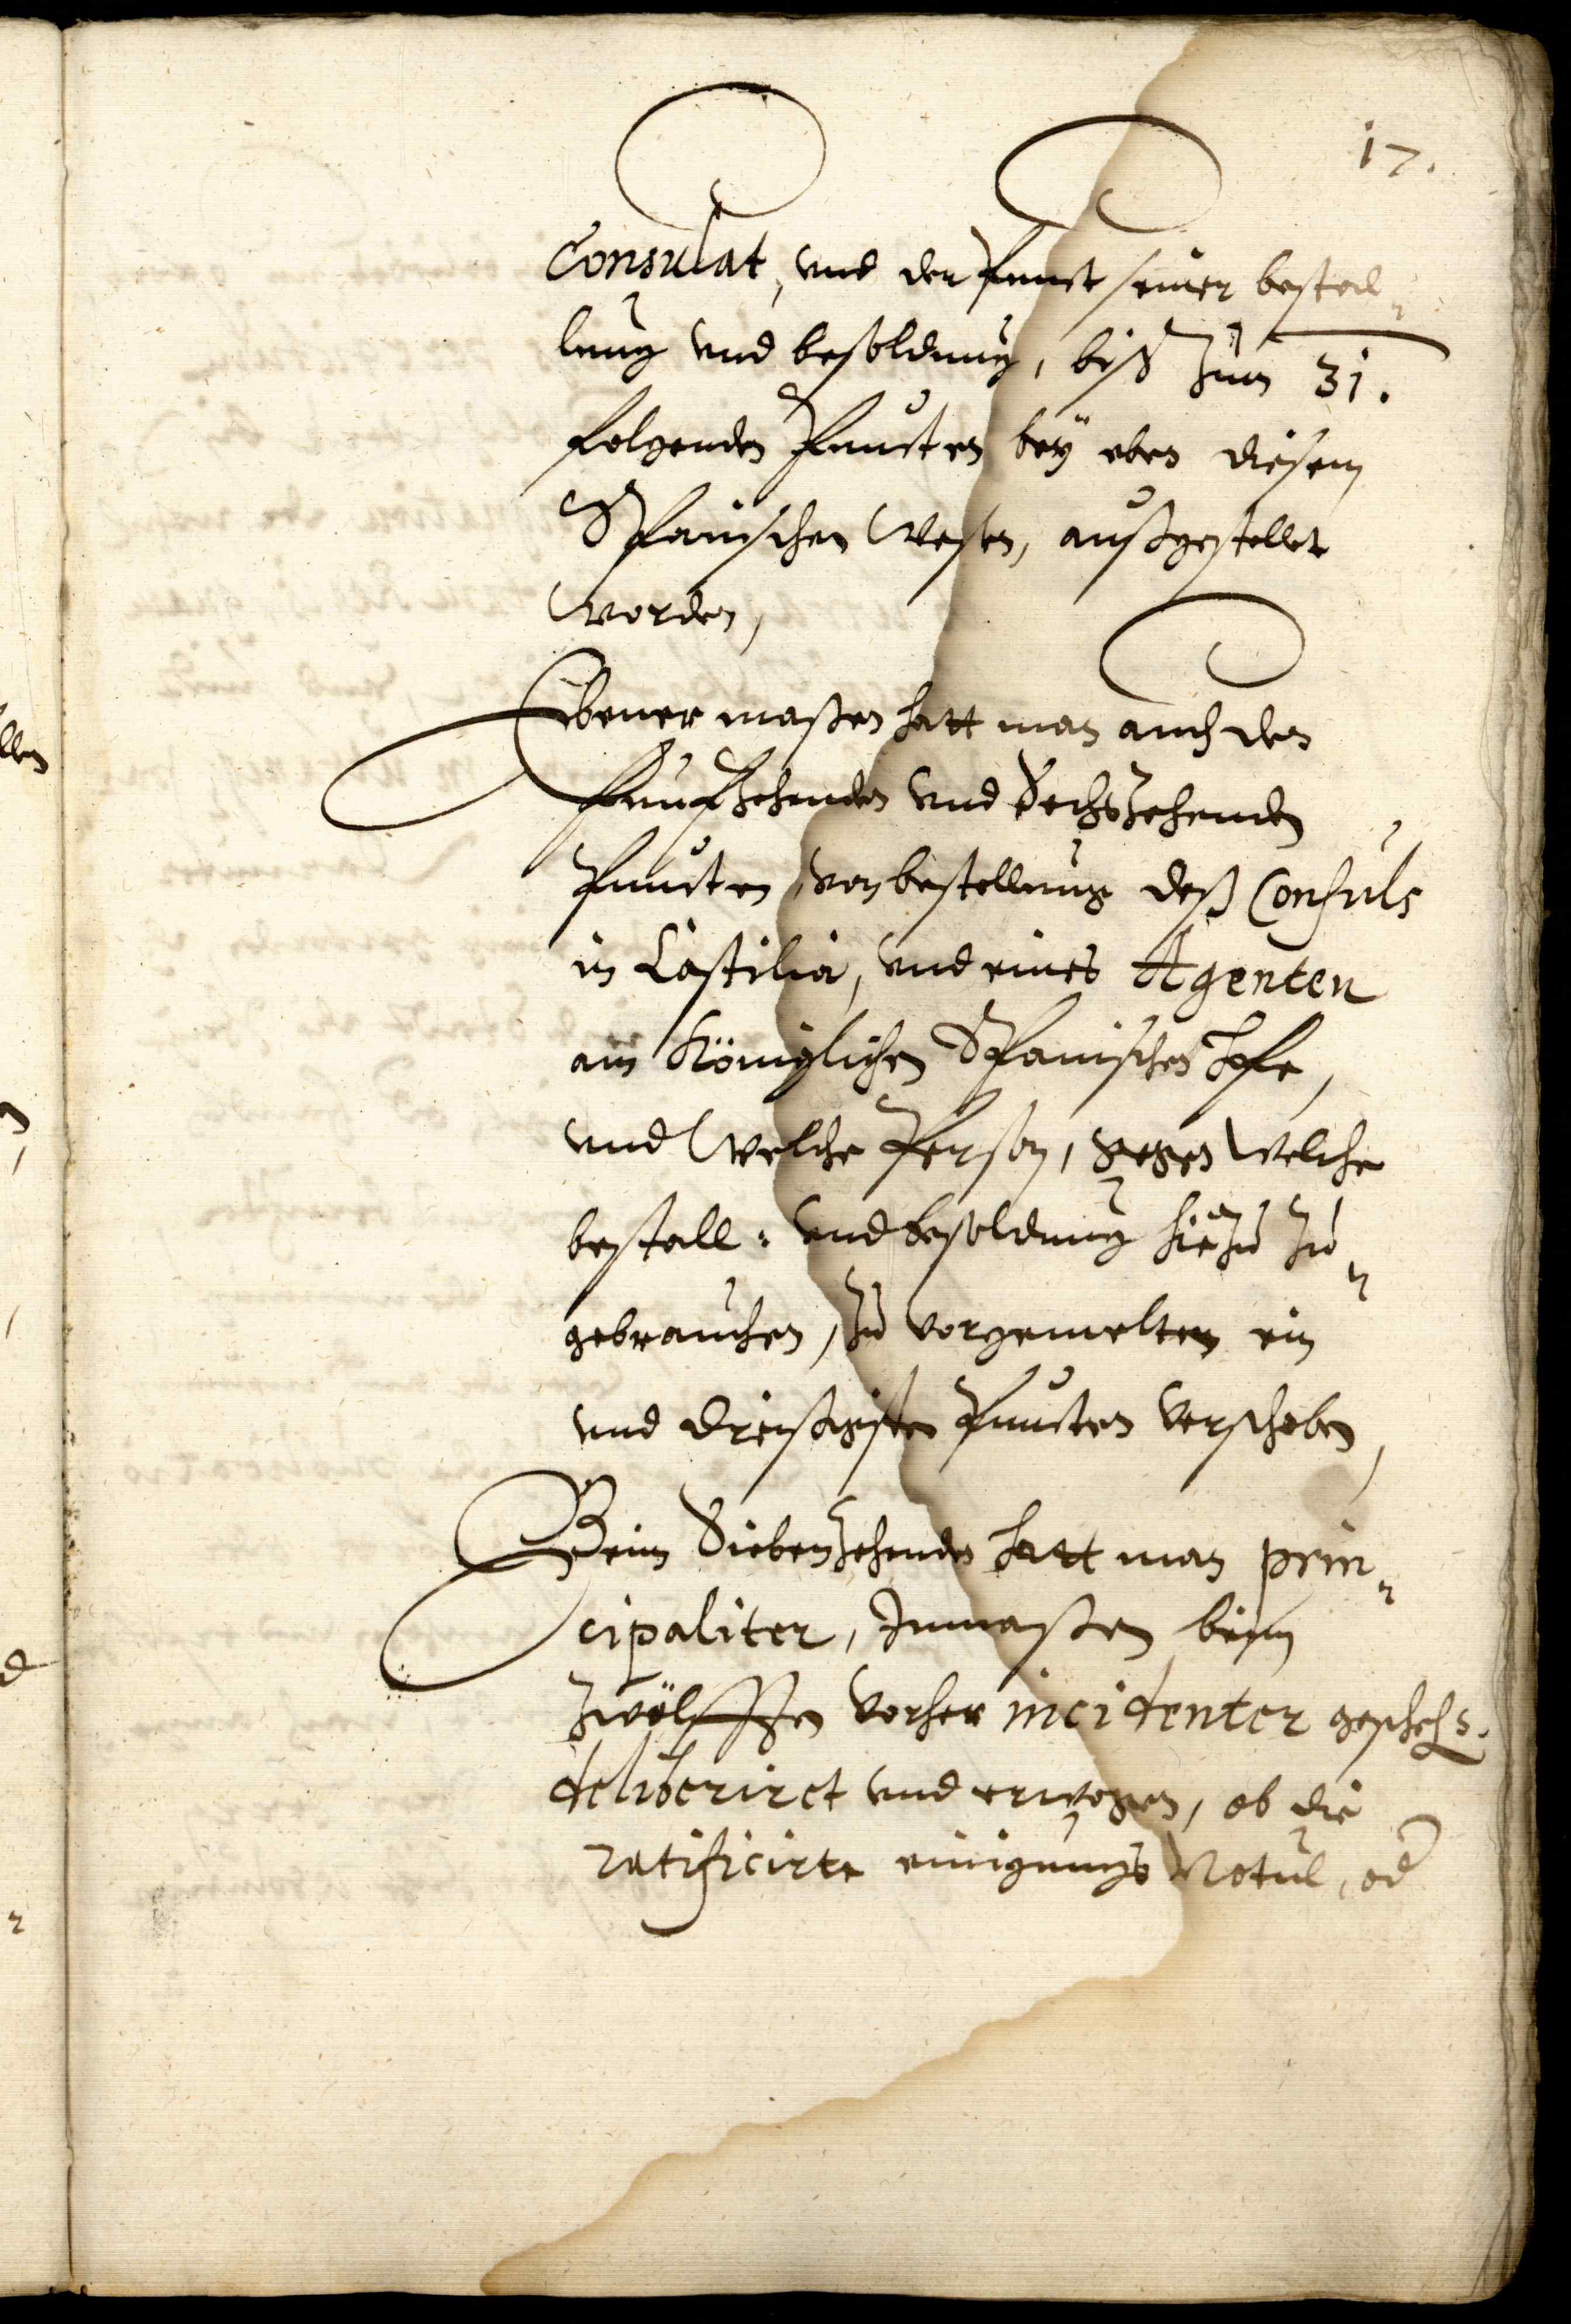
17.
consulat, vnd den Punct seiner bestal¬
lung und besoldung, biß Juni 31.
folgenden Puncten beij eben diesem vnd
Spanischen wesen außgestellet
werden,
Ebener maßen hat man auch den
funfzehenden vnd sechszehenden
Puncten von bestellung deß Consuls
in Castilia,vnd eines Agenten
am Königlichen Spanischen Hofe,
vnd welche Person, gegen welche
bestall: vnd besoldung hirzu zu¬
gebrauchen, zu vorgemelten ein
vnd dreißigsten Puncten verschoben,
Beim siebenzehenden hatt man prin¬
cipaliter, inmaßen beim
zwölfften vorher incidenter geschehen s.
deliberiret vnd erwogen, ob die
ratificirte einigungs Notul, oder
